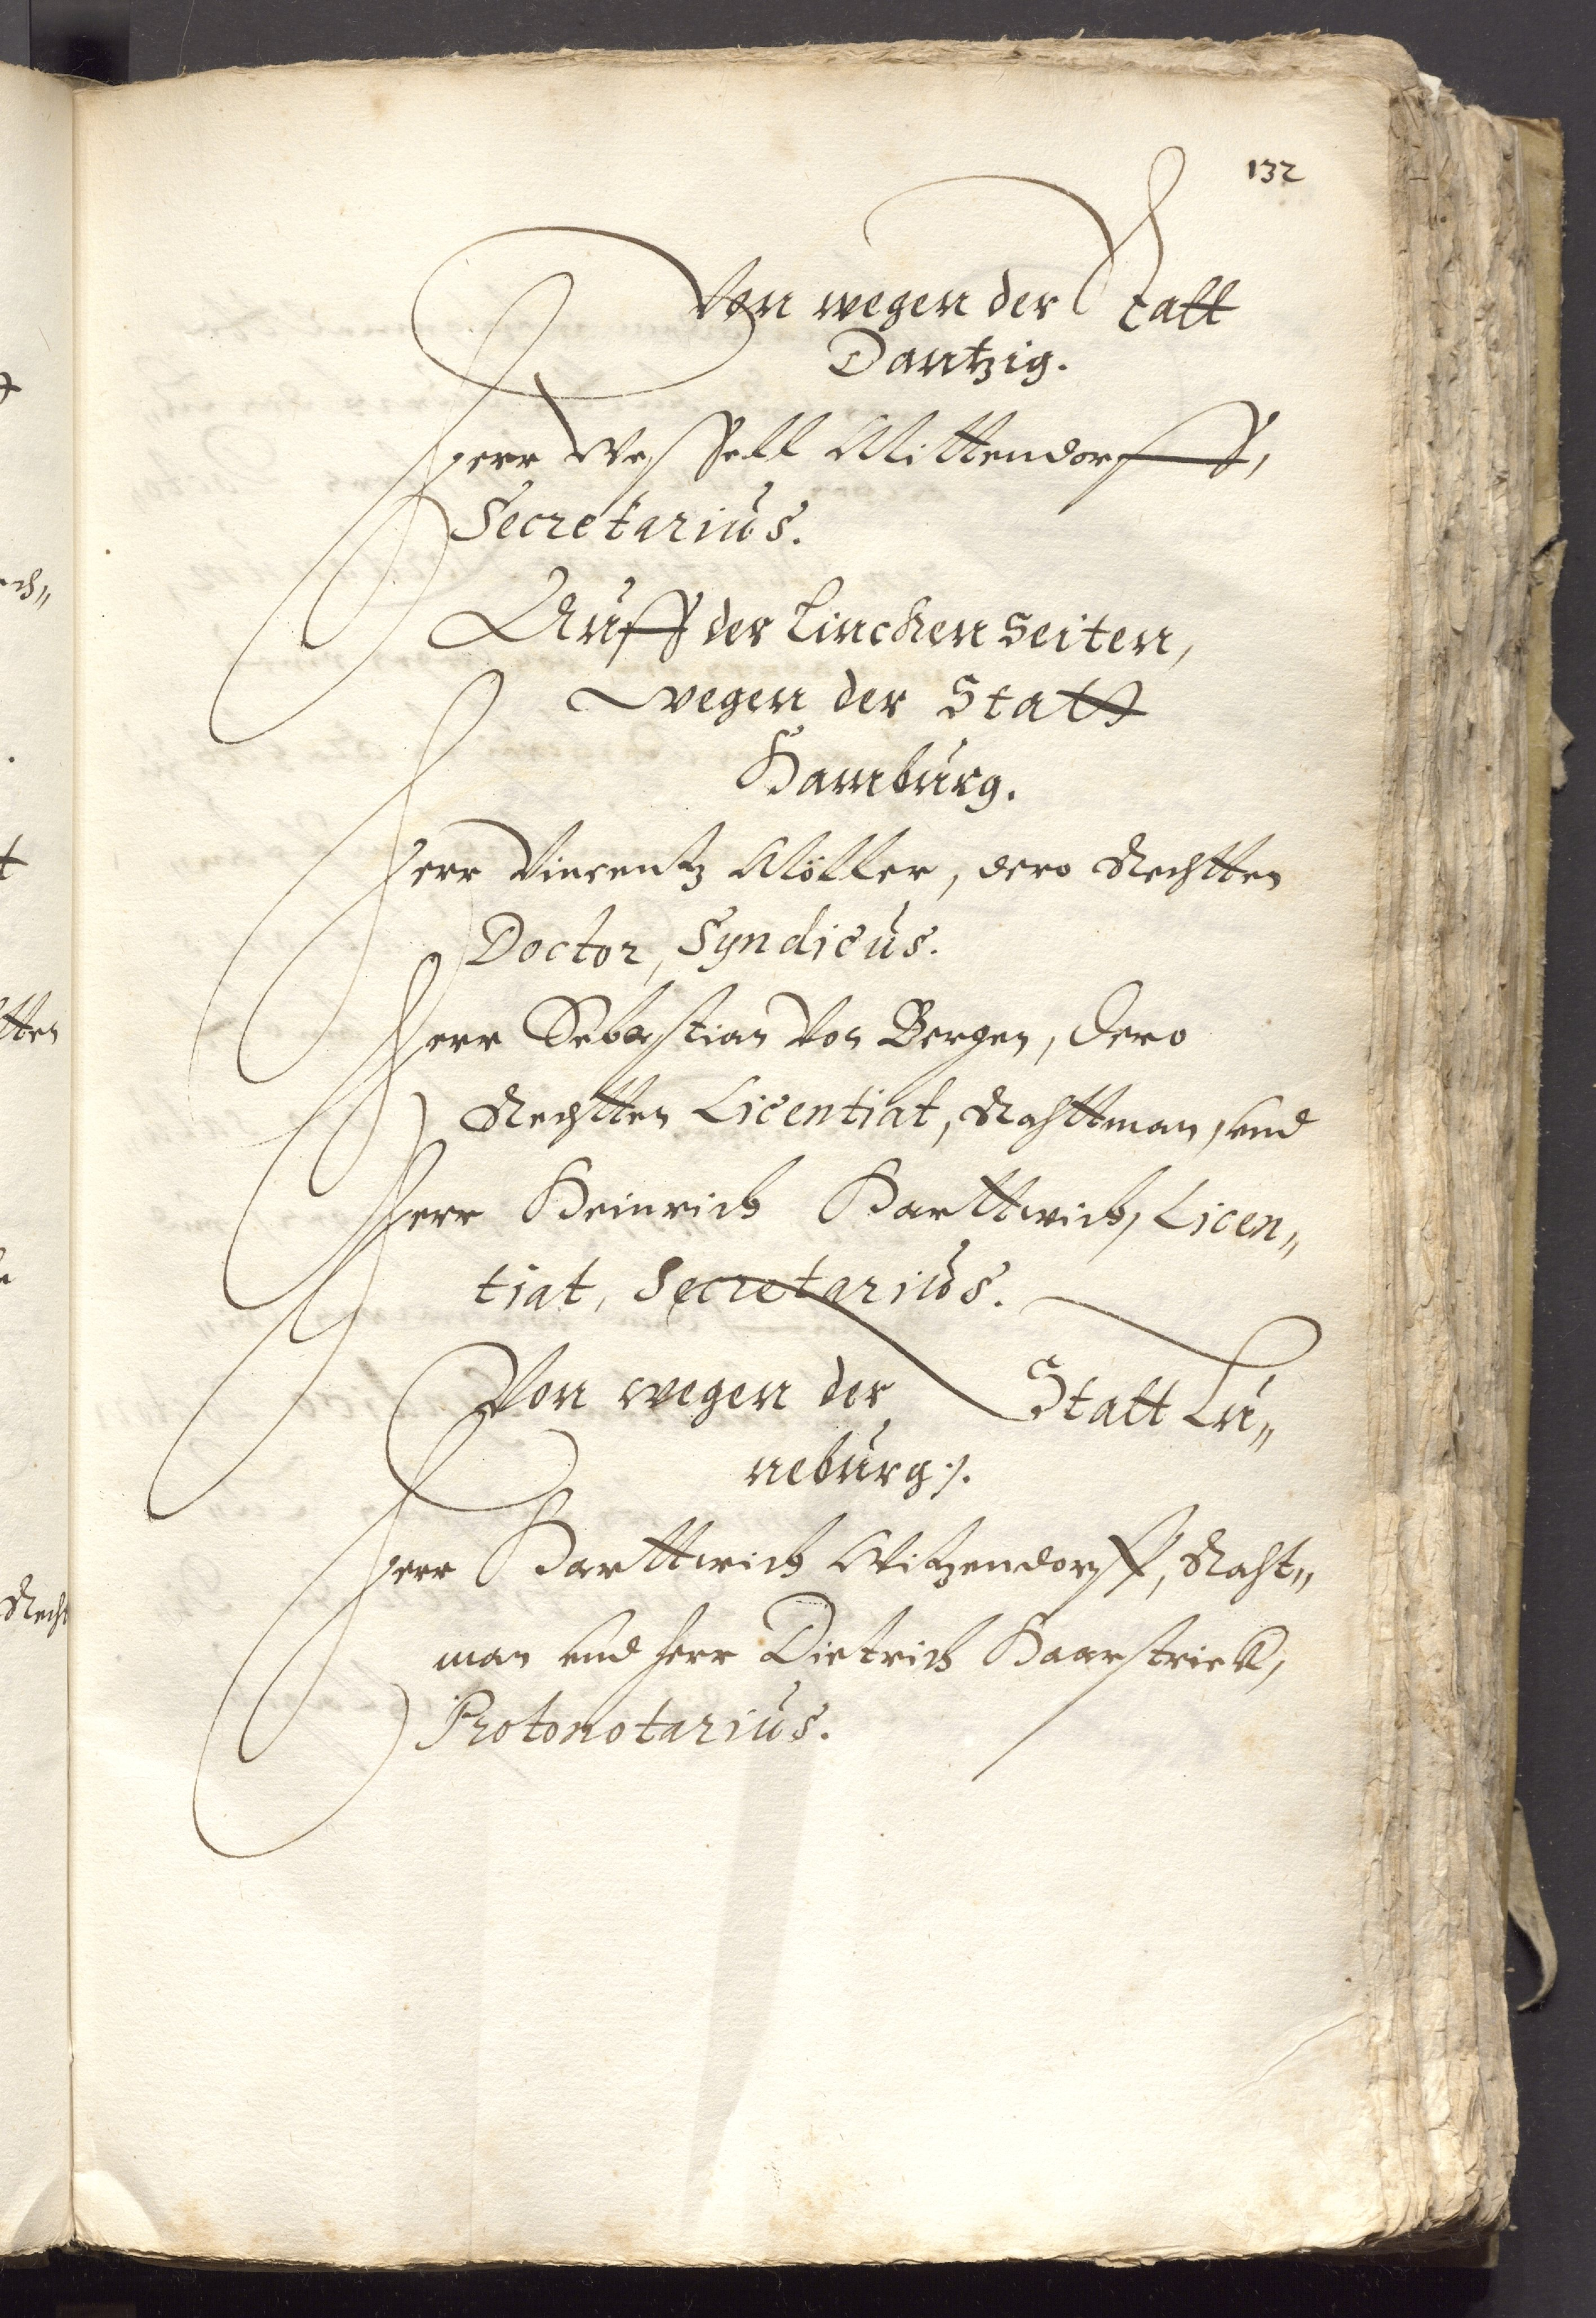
132
Von wegen der Statt
Dantzig
Herr Wessell Mittendorff,
Secretarius.
Auff der Lincken Seiten,
wegen der Statt
Hamburg.
herr Vincentz Möller, dero Rechtten
Doctor, Syndicus.
herr Sebastian Von Bergen, dero
Rechtten Licentiat, Rahttman, vnd
herr Heinrich Harttwich, Licen¬
tiat, Secretarius.
Von wegen der Statt Lu¬
neburg:
herr Harttwich Witzendorff, Raht¬
man vnd herr Dietrich Haarstriek,
Protonotarius.
